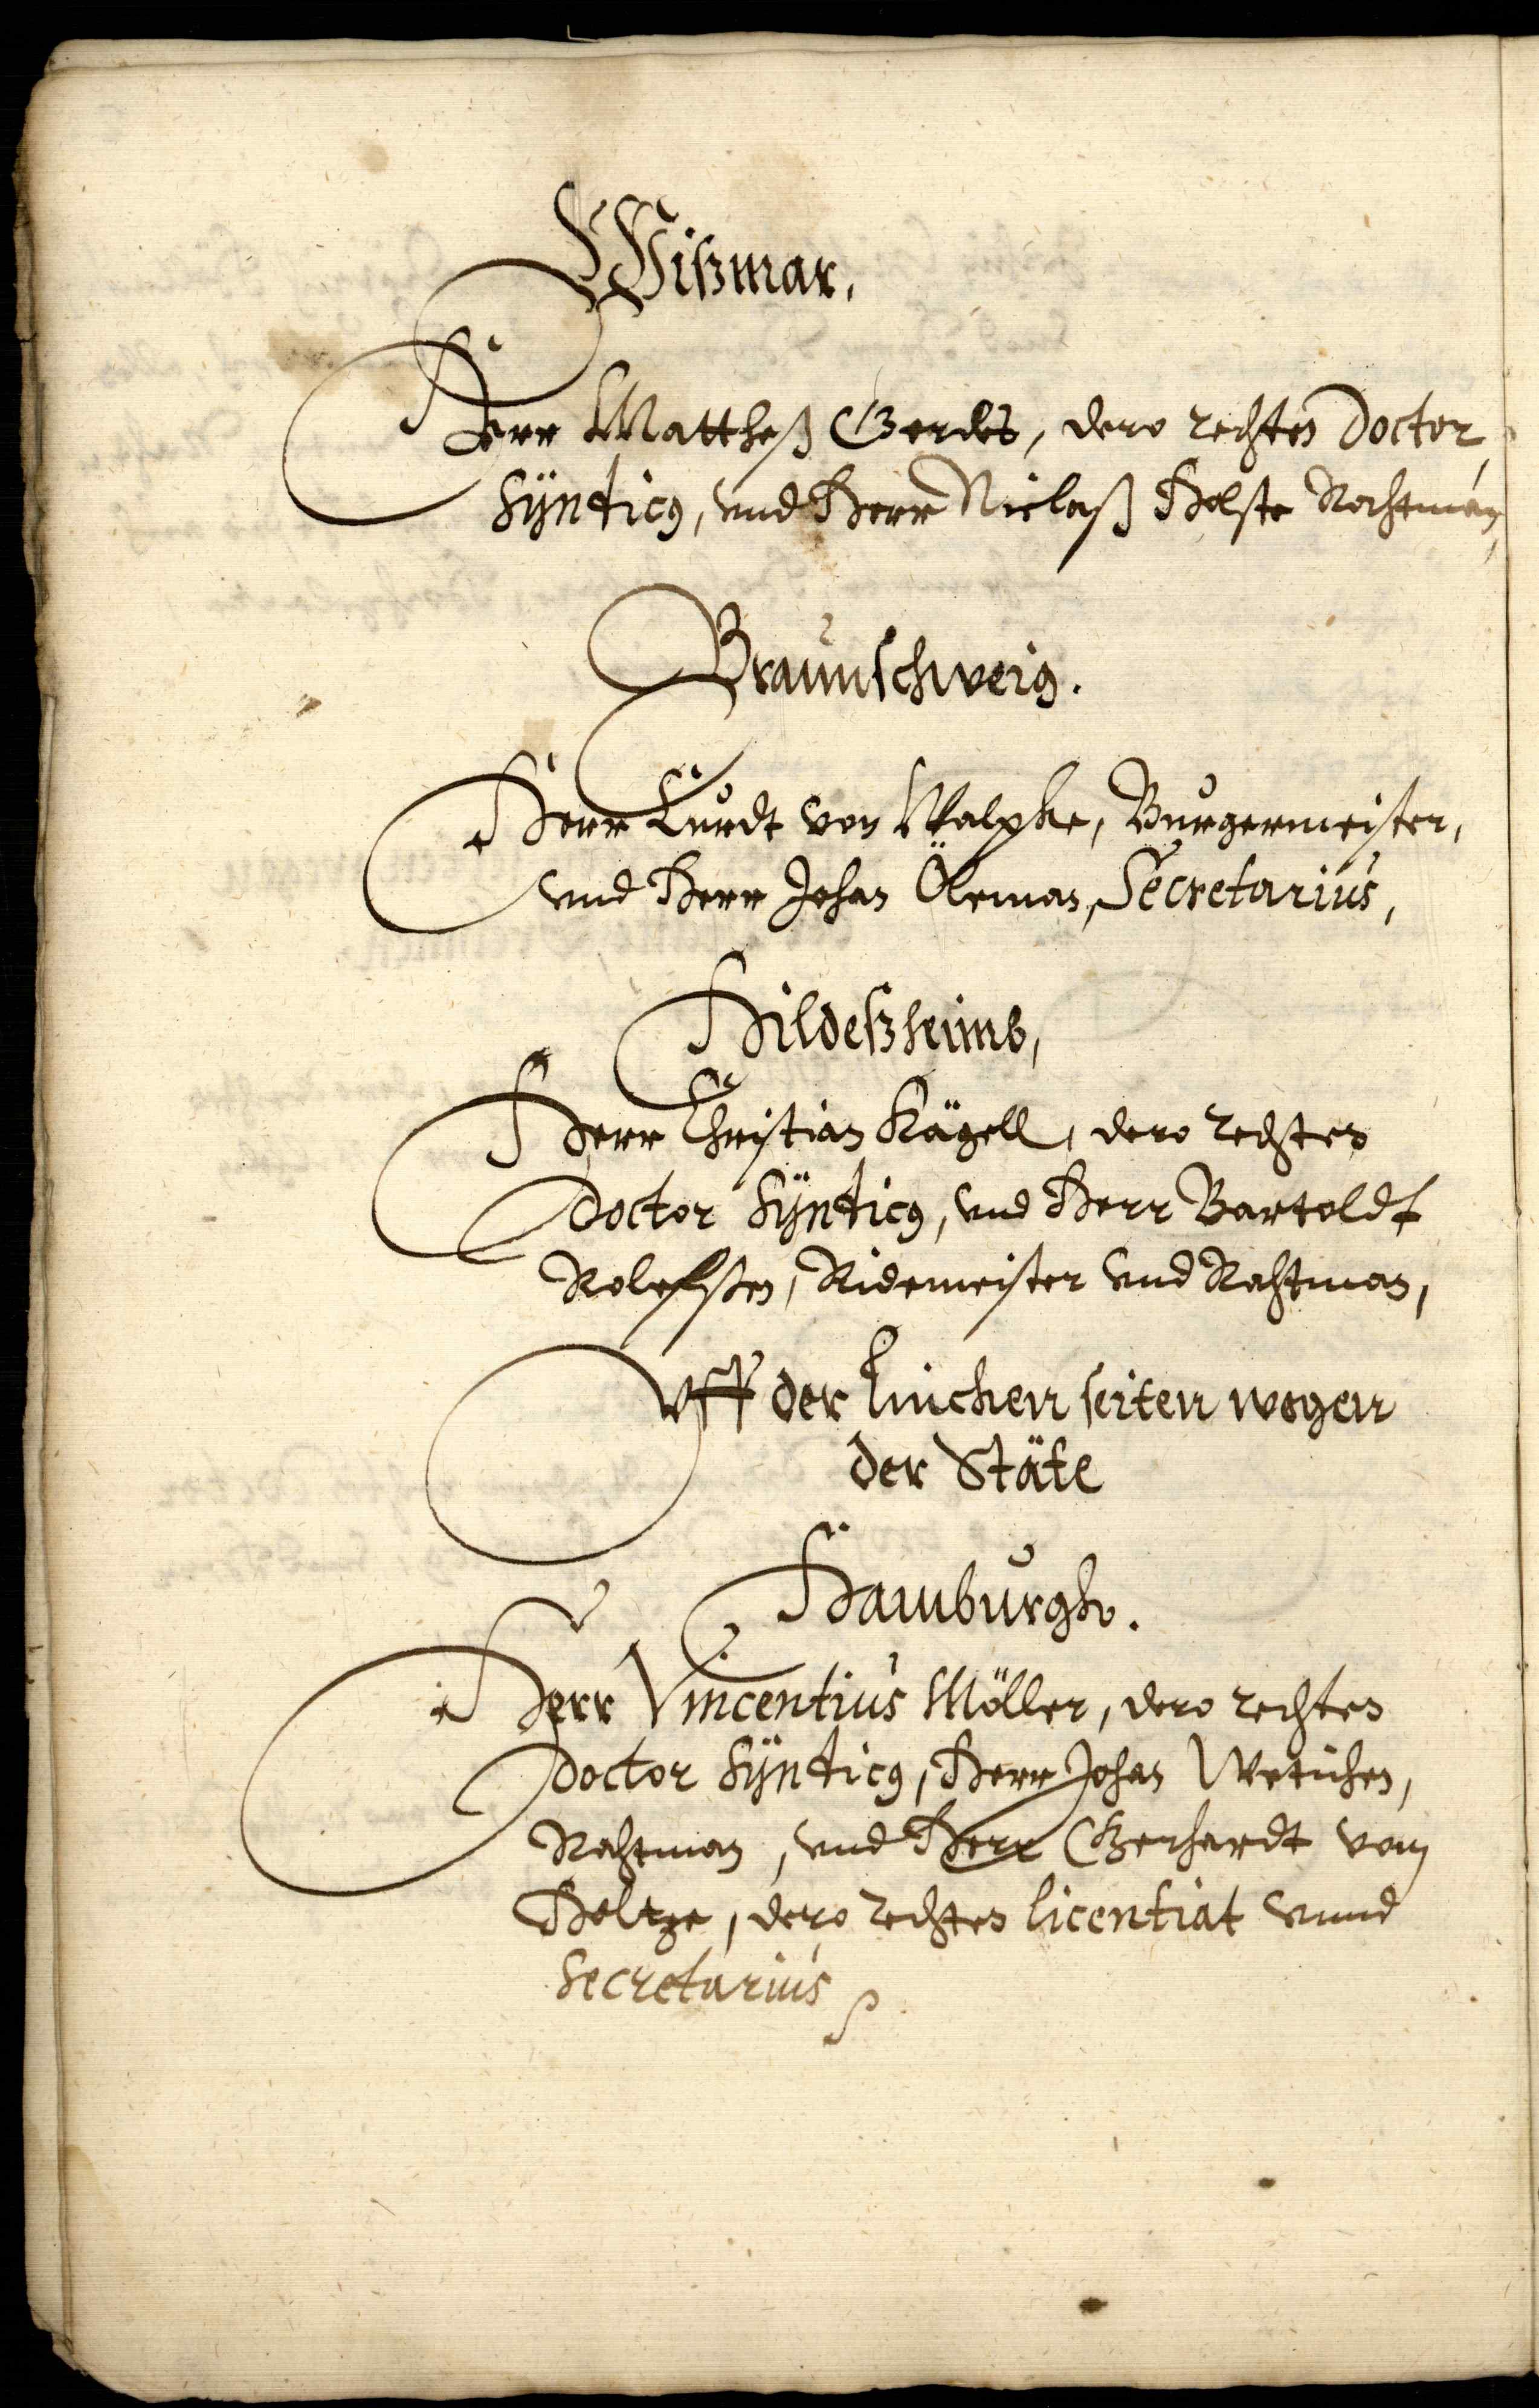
Wißmar,
Herr Mattheß Gerdes, dero rechten Doctor,
Sijndicus, vnd Herr Niclaß Holste Rahtman,
Braunschweig.
Herr Curdt von Walpke, Burgermeister,
vnd Herr Johan Öleman, Secretarius,
Hildeßheimb,
Herr Christian Kägell, dero rechten
Doctor Sijndicus, vnd Herr Bartoldt
Rolefßen, Ridemeister vnd Rahtman,
Vff der Lincken seiten wegen
der Stäte
Hamburgk.
Herr Vincentius Möller, dero rechten
Doctor Sijndicus, Herr Johan Wetichen,
Rahtman, vnd Herr Gherhardt van
Holtze, dero rechten Licentiat vnnd
Secretarius p.
